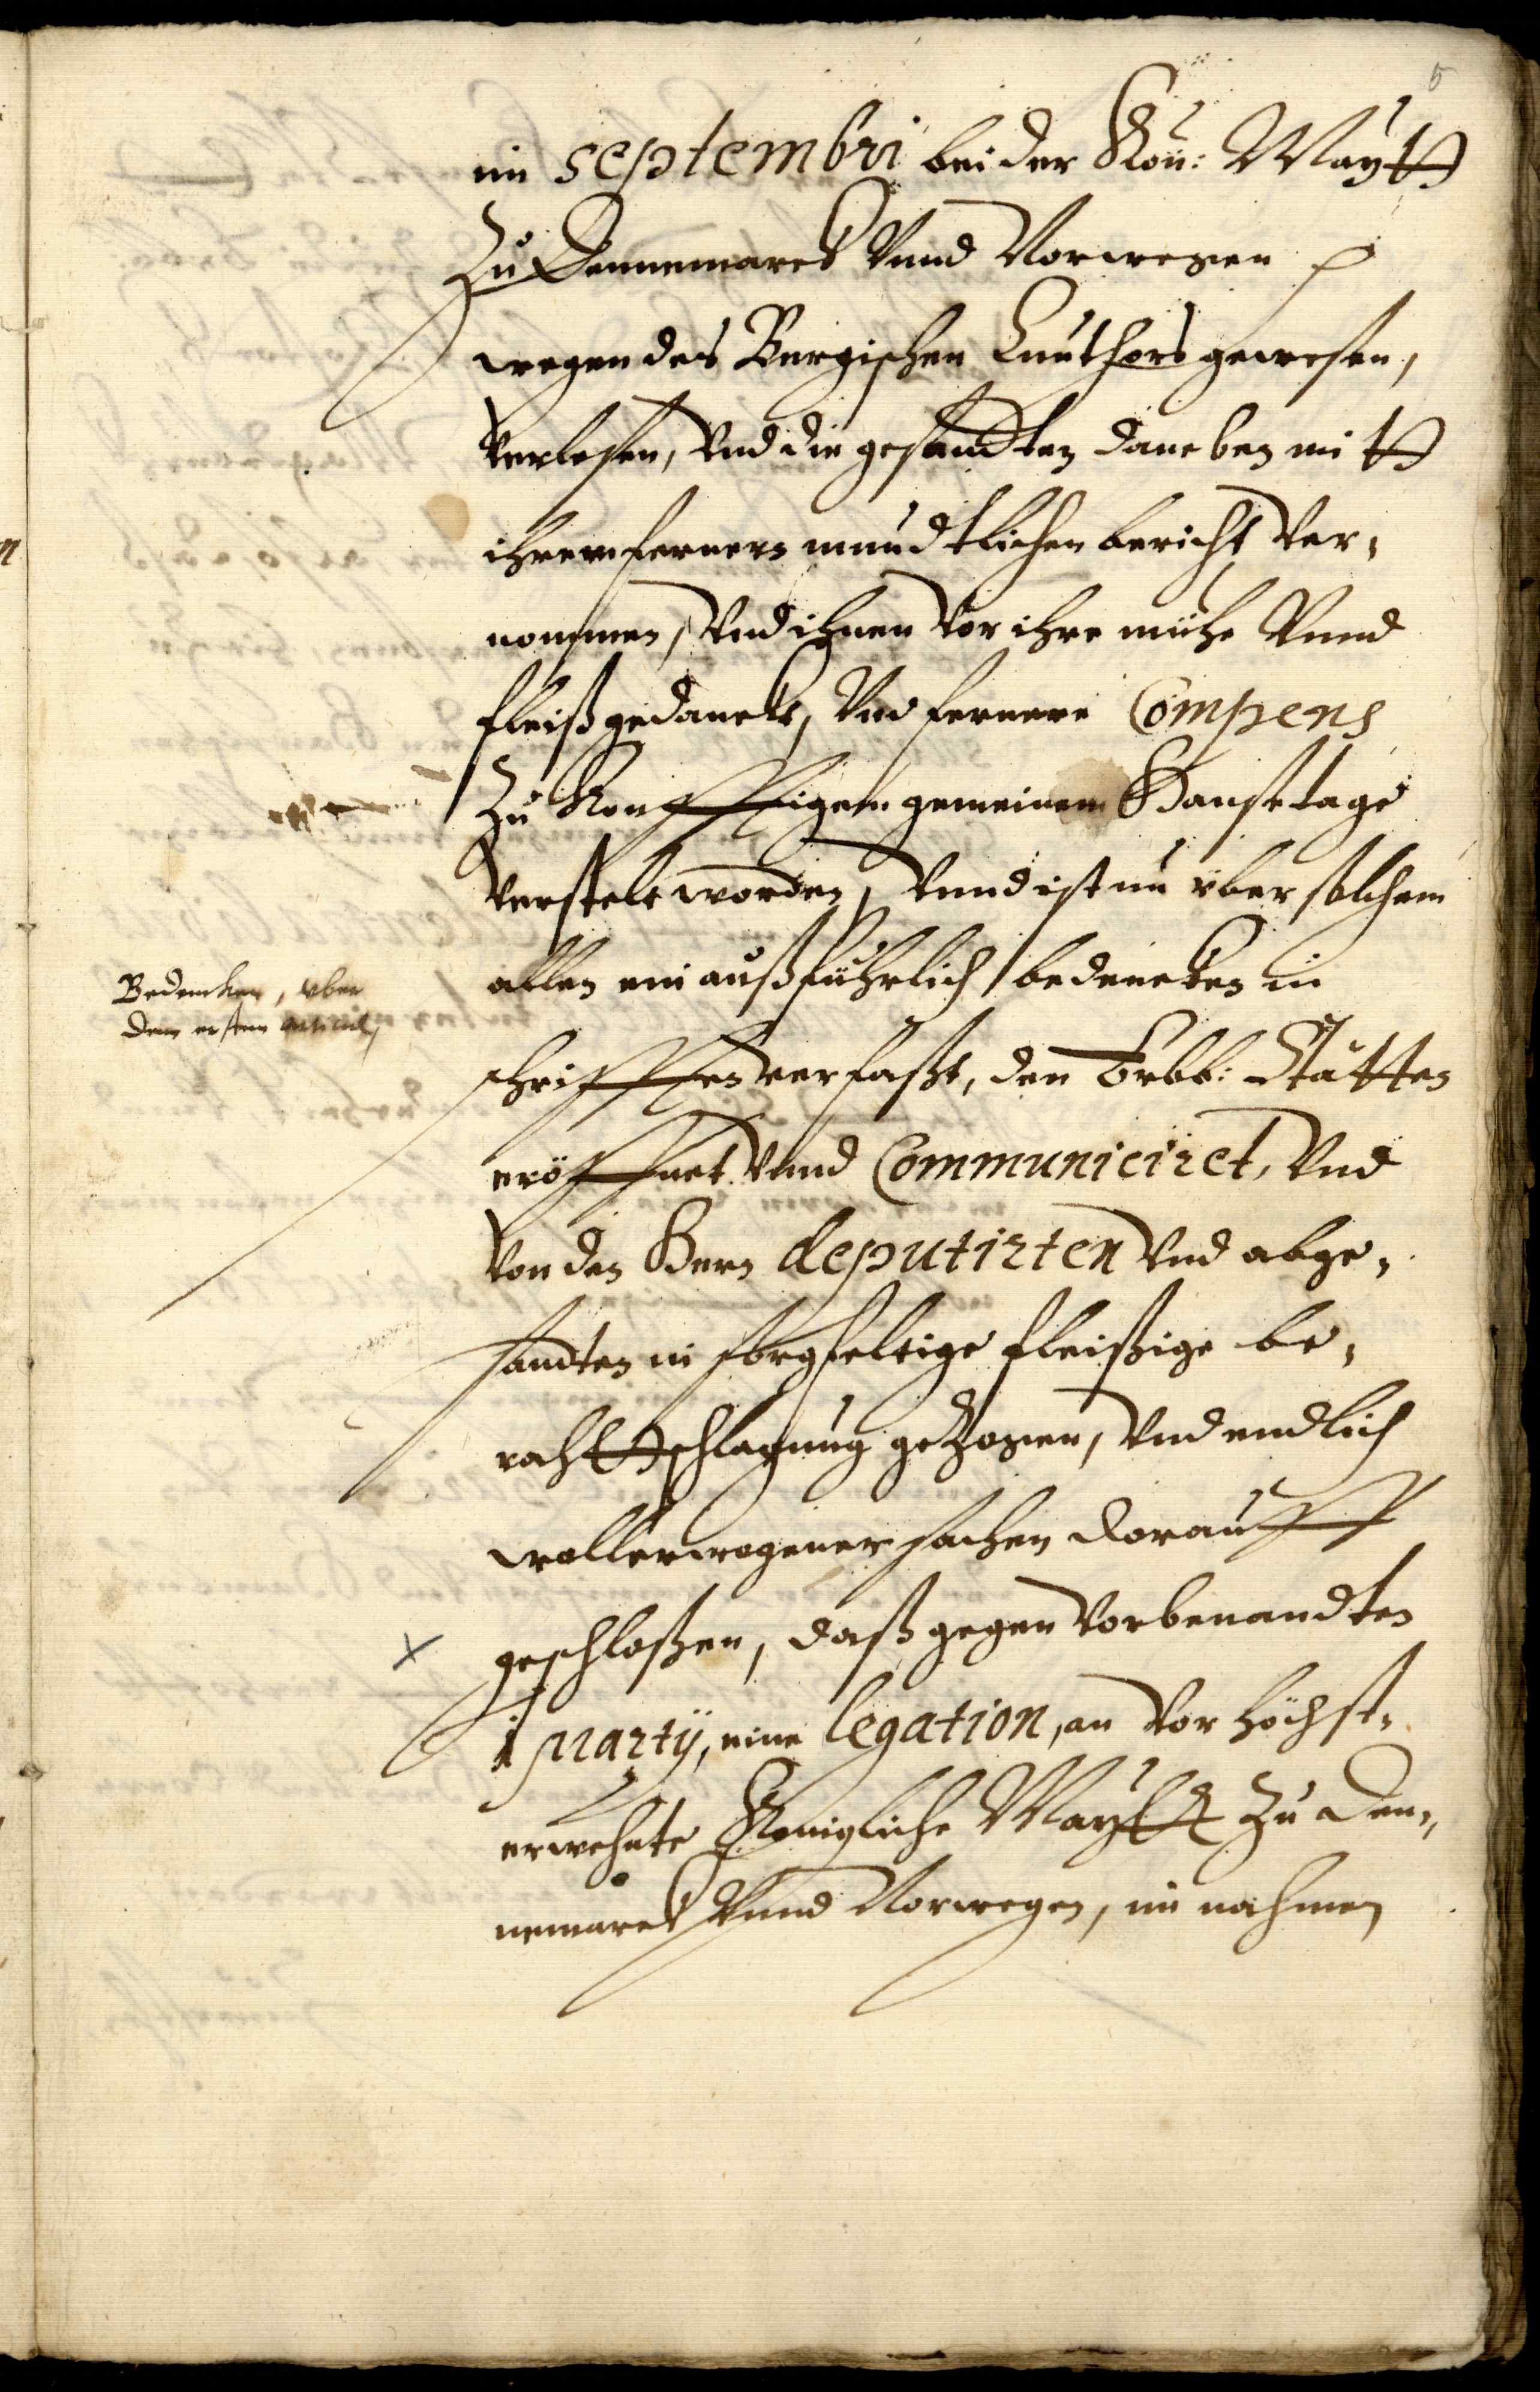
Bedencken, vber
den ersten articul,
x
im septembri bei der Kon: Maytt
Zu Dennemarck Vnnd Norwegen p
wegen des Bergischen Cunthors gewesen,
verlesen, vnd die gesandten daneben mitt
ihren fernern mundtlichen bericht Ver¬
nommen, Vnd ihnen Vor ihre mühe Vnnd
fleiß gedanckt, Vnd fernere Compens
Zu Konfftigen gemeinem Hansetage
verstelt worden, Vnnd ist nu vber solchem
alles ein außführlich bedencken in
schrifften verfaßt, den Erbb: Statten
eröffnet Vnnd Communiciret, Vnd
Von den Hern Deputirten Vnd abge¬
sandten in sorgfeltige fleißige be¬
rahttschlagung gezogen, Vnd endlich
wollerwogener sachen darauff
geschloßen, daß gegen Vorbenandten
1 Martÿ, eine legation, an Vor höchst¬
erwehnte Konigliche Maytt Zu den¬
nemarck Vnnd Norwegen, im nahmen
